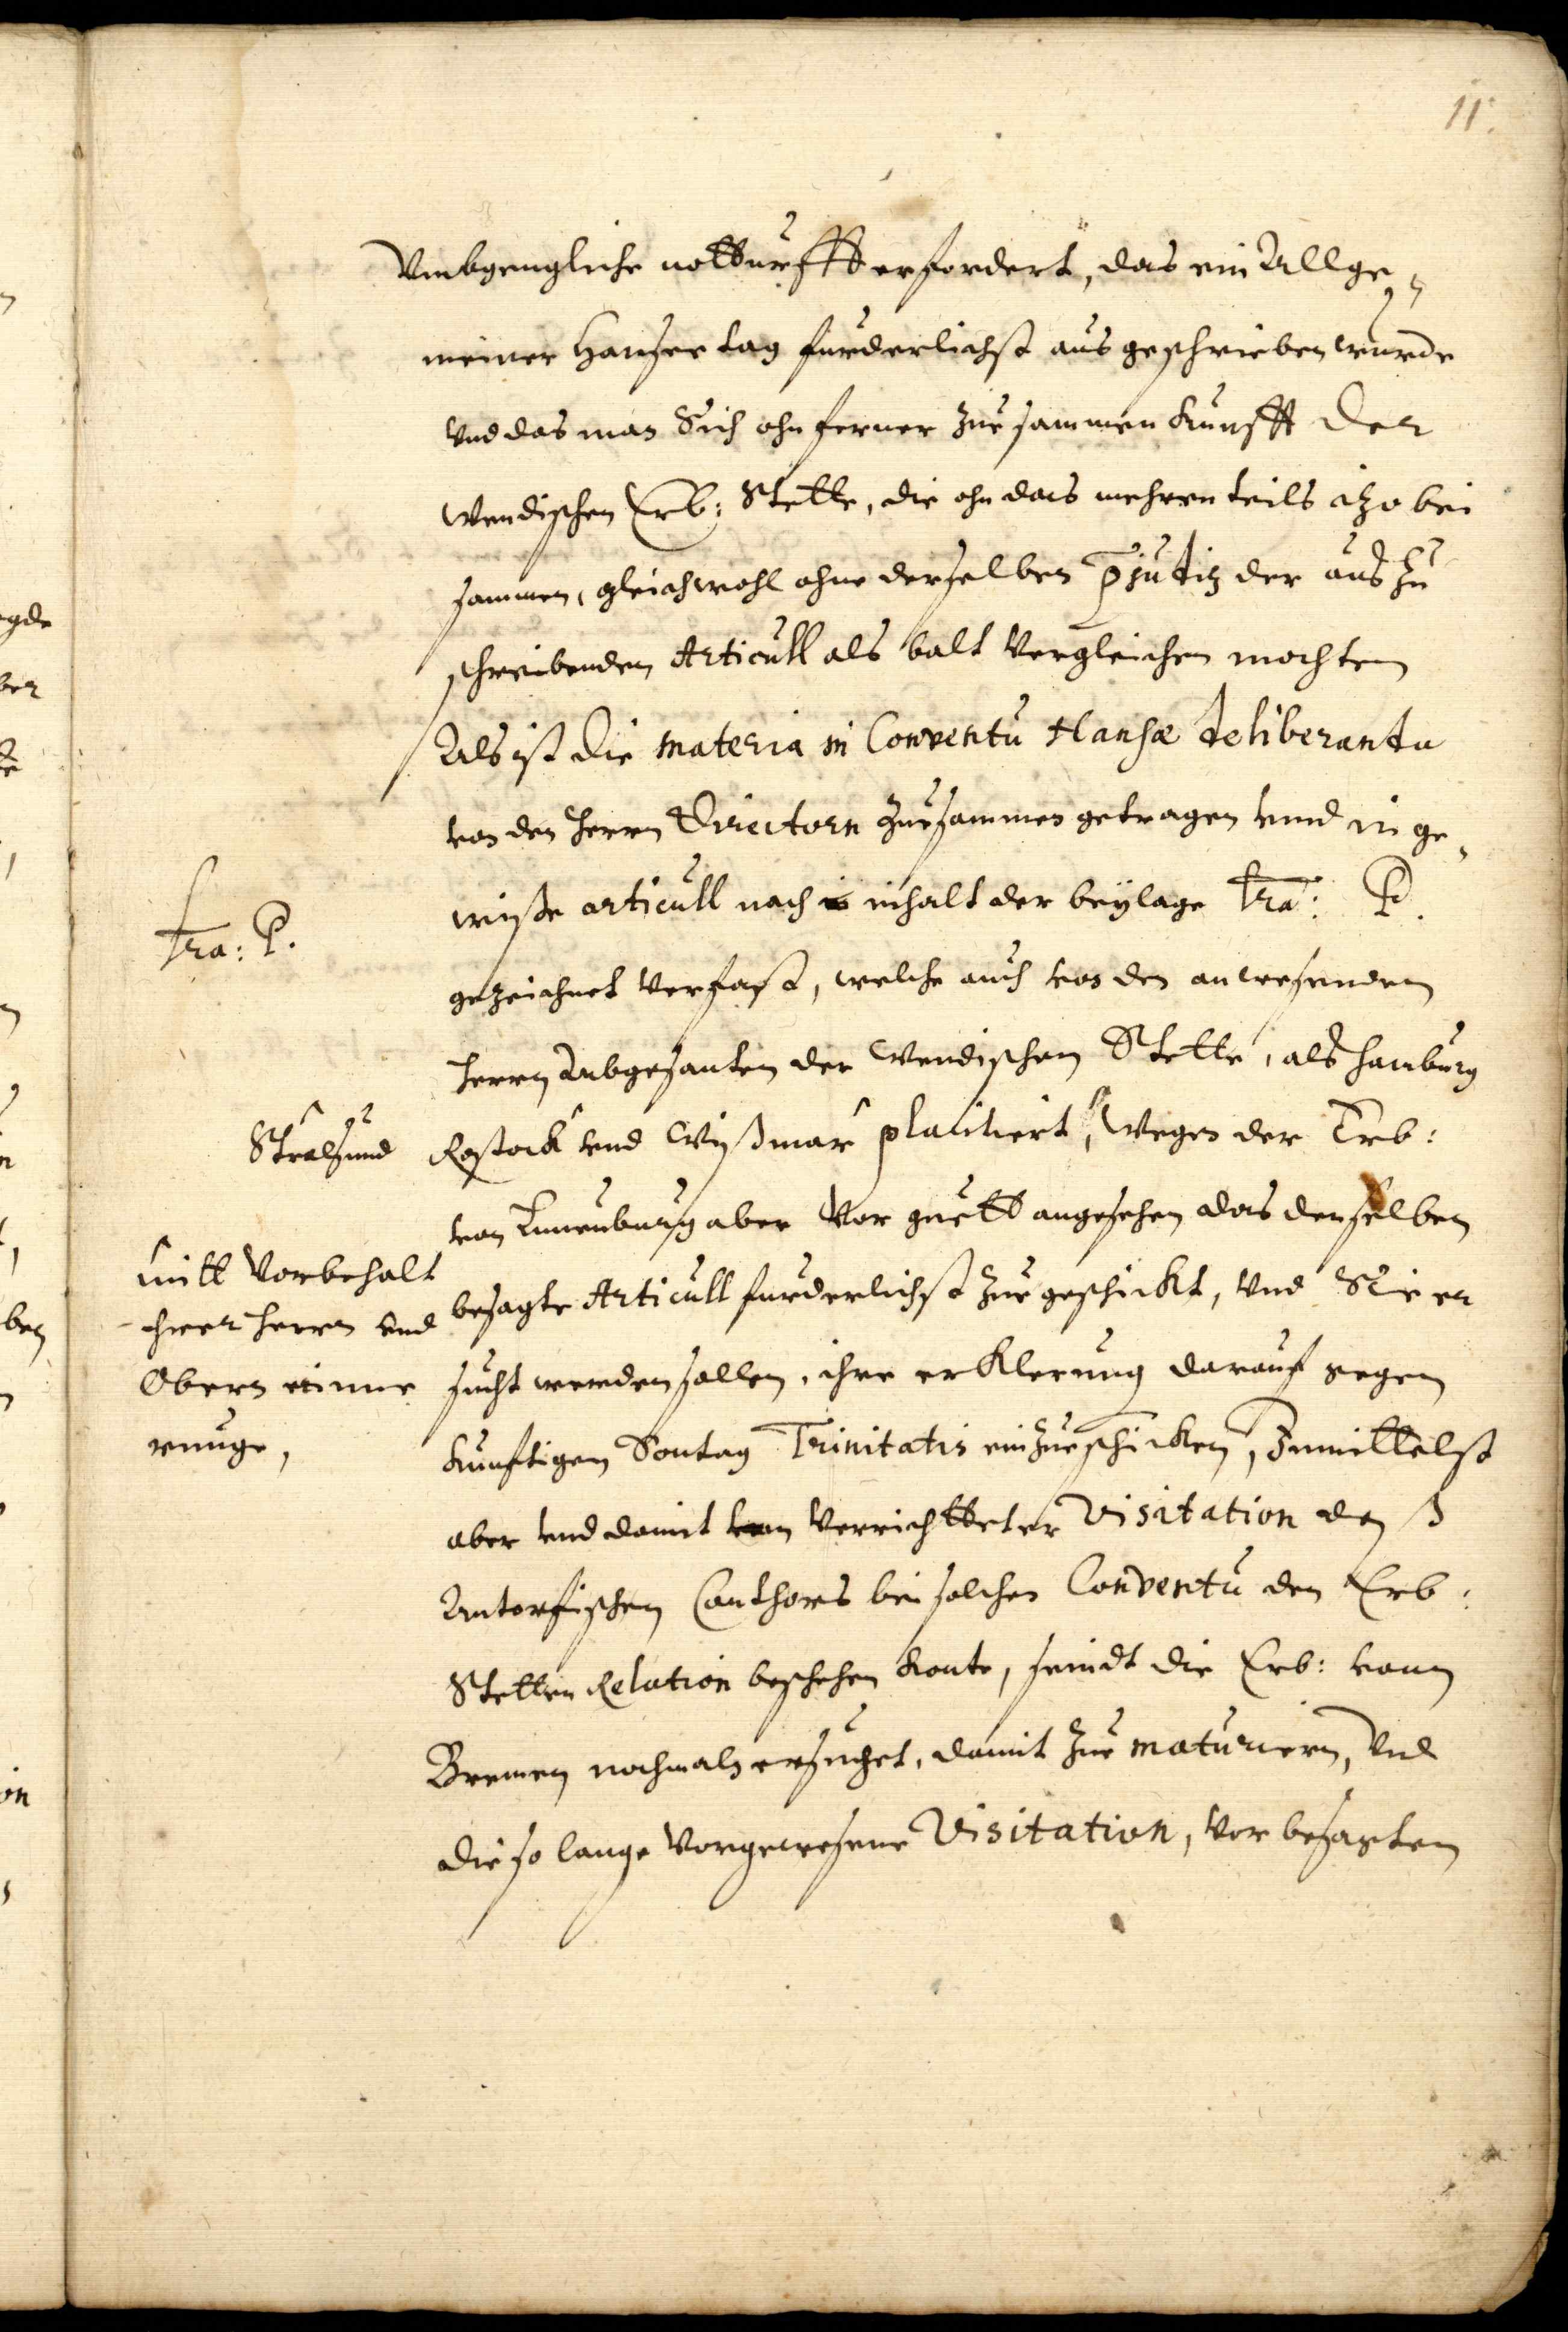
11.
Tra P.
*
Stralsund
*
mitt Vorbehalt
ihrer herrn vnd
Obern erinne
runge,
vmbgengliche nottdurfft erfordert, das ein Allge¬
meiner Hansee tag furderlichst aus geschrieben wurde
vnd das man sich ohn ferner zuesammenkunfft der
Wendischen Erb: Stette, die ohn das mehren teils itzo bei
sammen, gleichwohl ohne derselbe pjuditz der aus zu
schreibenden Articull als balt vergleichen mochten
Als ist die materia in Conventu Hansae deliberanda
von den Herrn Directorn zuesammen getragen vnnd in ge¬
wiße articull nach in inhalt der beijlage Tra: P.
gezeichnet verfast, welche auch von den anwesenden
Herrn Abgesanten der Wendischen Stette, als hamburg
Rostock * vnnd Wismar * placitiert, werden der Erb:
von Lunenburg aber vor guett angesehen das denselben
besagte Articull furderlichst zue geschickt, vnd Sie er
sucht werden sollen, ihre erklerung darauf gegen
kunftigen Sontag Trinitatis einzueschicken, Inmittelst
aber vnd damit von verrichtteter Visitation deß
Antorfischen Conthors bei solchen Conventu den Erb:
Stetten Relation beschehen konte, seindt die Erb: vonn
Bremen nochmaln ersuchet, damit zue maturiern, vnd
die so lange vorgewesene Visitation, vor besagten
